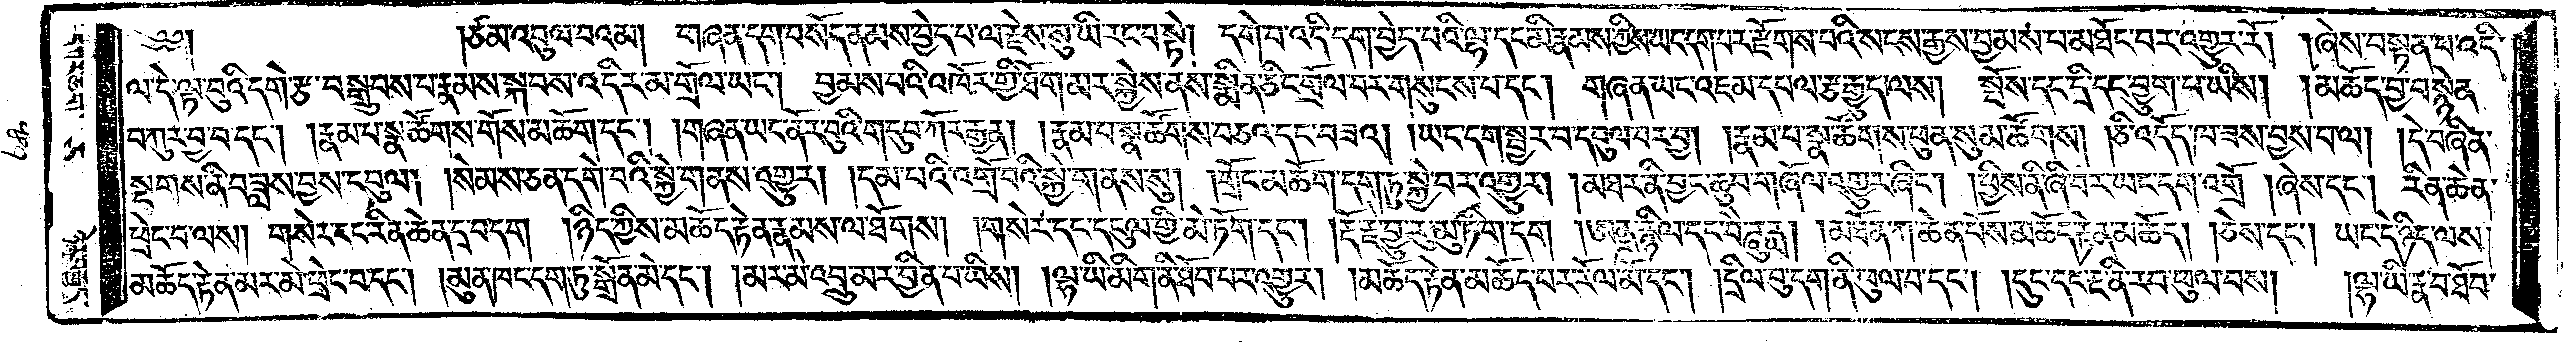༄༅། །ཙམ་འབུལ་བའམ། གཞན་དག་བསོད་ནམས་བྱེད་པ་ལ་རྗེས་སུ་ཡི་རང་བ་སྟེ། དགེ་བ་འདི་དག་བྱེད་པའི་ལྷ་དང་མི་རྣམས་ཀྱིས་ཡང་དག་པར་རྫོགས་པའི་སངས་རྒྱས་བྱམས་པ་མཐོང་བར་འགྱུར་རོ། །ཞེས་བསྟན་པ་འདི་
ལ་དེ་ལྟ་བུའི་དགེ་རྩ་བསྒྲུབས་པ་རྣམས་སྐབས་འདིར་མ་གྲོལ་ཡང་། བྱམས་པའི་འཁོར་གྱི་ཐོག་མར་སྐྱེས་ནས་སྨིན་ཅིང་གྲོལ་བར་གསུངས་པ་དང་། གཞན་ཡང་འཇམ་དཔལ་རྩ་རྒྱུད་ལས། སྤོས་དང་དྲི་དང་བྱུག་པ་ཡིས། །མཆོད་བྱ་བསྙེན་
བཀུར་བྱ་བ་དང་། །རྣམ་པ་སྣ་ཚོགས་གོས་མཆོག་དང་། །གཞན་ཡང་ནོར་བུའི་གདུབ་ཀོར་རྒྱན། །རྣམ་པ་སྣ་ཚོགས་བཅའ་དང་བཟའ། །ཡང་དག་སྦྱར་བ་དབུལ་བར་བྱ། །རྣམ་པ་སྣ་ཚོགས་ཕུན་སུམ་ཚོགས། །ཅི་འདོད་ཁ་ཟས་བྱས་པལ། །དེ་བཞིན་
སྔགས་ནི་བཟླས་བྱས་དབུལ། །སེམས་ཅན་དགེ་བའི་སྐྱེ་གནས་འགྱུར། །དམ་པའི་འགྲོ་བའི་སྐྱེ་གནས་སུ། །གྲོང་མཆོག་དག་ཏུ་སྐྱེ་བར་འགྱུར། །མཐར་ནི་བྱང་ཆུབ་གཞོལ་འགྱུར་ཞིང་། །ཕྱིས་ནི་ཞི་བར་ཡང་དག་འགྲོ་།ཞེས་དང་། རིན་ཆེན་
ཕྲེང་བ་ལས། གསེར་དང་རིན་ཆེན་དྲ་བདག །ཉིད་ཀྱིས་མཆོད་རྟེན་རྣམས་ལ་ཐོགས། །གསེར་དང་དངུལ་གྱི་མེ་ཏོག་དང་། །རྡོ་རྗེ་བྱུ་རུ་མུ་ཏིག་དག །ཨནྜ་རྙིལ་དང་བཻཌཱུརྱ། །མཐོན་ཀ་ཆེན་པོས་མཆོད་རྟེན་མཆོད། །ཅེས་དང་། ཡང་དེ་ཉིད་ལས།
མཆོད་རྟེན་མར་མེ་ཕྲེང་བ་དང་། །མུན་ཁང་དག་ཏུ་སྒྲོན་མེ་དང་། །མར་མེ་འབྲུ་མར་བྱིན་པ་ཡིས། །ལྷ་ཡི་མིག་ནི་ཐོབ་པར་འགྱུར། །མཆོད་རྟེན་མཆོད་པར་རོལ་མོ་དང་། །དྲིལ་བུ་དག་ནི་ཕུལ་བ་དང་། །དུང་དང་རྔ་ནི་རབ་ཕུལ་བས། །ལྷ་ཡི་རྣབ་ཐོབ་